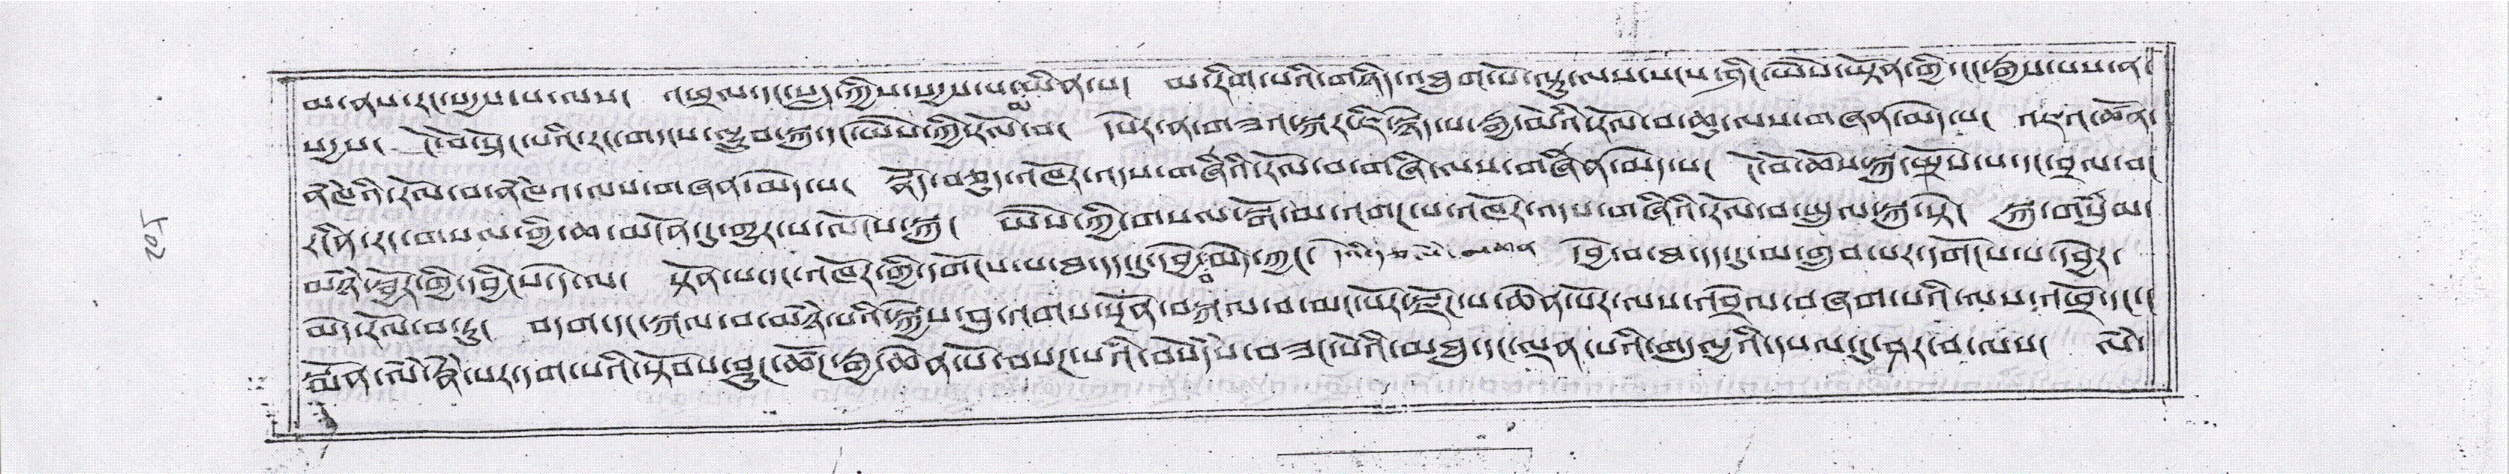མ་ནས་རང་སངས་རྒྱས་པ་ལ། འཕྲལ་དང་སླད་ཀྱིས་སངས་རྒྱས་པ་མ་ཡིན་པས། མ་རིག་པའི་གཉིད་མཐུག་པོ་ལྟ་བུ་ལས་སངས་ཤིང་ཡེ་ཤེས་ཡོན་ཏན་གྱི་ངང་རྒྱས་པས་ན་
སངས་རྒྱས། ངོ་བོ་སྟོང་པའི་རང་གདངས་ལྷུན་གྲུབ་ཡེ་ཤེས་ཀྱི་རོལ་པ། དཔེར་ན་གཟའ་སྐར་ཇི་སྙེད་པ་རྒྱ་མཚོའི་རོལ་པ་ཆུ་ལས་གཞན་མེད་པ། འཇའ་ཚོན་
ནམ་མཁའི་རོལ་པ་ནམ་མཁའ་ལས་གཞན་མེད་པ། སྣོད་བཅུད་འཁོར་འདས་གཞིའི་རོལ་པ་གཞི་ལས་གཞན་མེད་པ། ངོ་བོ་ཆོས་སྐུ་སྤྲོས་པ་དང་བྲལ་བ། 
རང་བཞིན་རང་གསལ་གྱི་ཆ་མངོན་དུ་གྱུར་པ་ལོངས་སྐུ། ཡེ་ཤེས་ཀྱི་གསལ་སྒོ་མ་འགག་པ་འཁོར་འདས་གཞིའི་རོལ་པ་སྤྲུལ་སྐུ་སྟེ། སྐུ་གསུམ་
མཉམ་སྦྱོར་གྱི་དབྱིངས་དེ་ལ། སྟོན་པ་དང་འཁོར་གྱི་དགོངས་པ་ཐ་དད་དུ་དབྱེ་བ་མེད་ཀྱང་༼དེའི་རྩལ་མཆན་༽དབྱེ་བ་ཐ་དད་དུ་མ་གྲུབ་པར་དགོངས་པ་དབྱེར་
མེད་རོལ་པ་རུ། བདག་དང་སྐལ་པ་མཉམ་པའི་སྐྱེས་བུ་འགས་སྔོན་བསྐལ་པ་མང་པོར་རྫོགས་པ་ཆེན་པོར་ལས་འབྲེལ་བཞག་པའི་ལས་འཕྲོ་དང་། 
སྨོན་ལམ་རྣམ་པར་དག་པའི་སྟོབས་ཤུགས་ཚོགས་རྒྱ་ཆེན་པོ་བསགས་པའི་བསོད་ནམས་བཟང་པོའི་མཐུ་དང་ལྡན་པའི་གདུལ་བྱའི་དཔལ་དུ་ཤར་བ་ལས། ལམ་